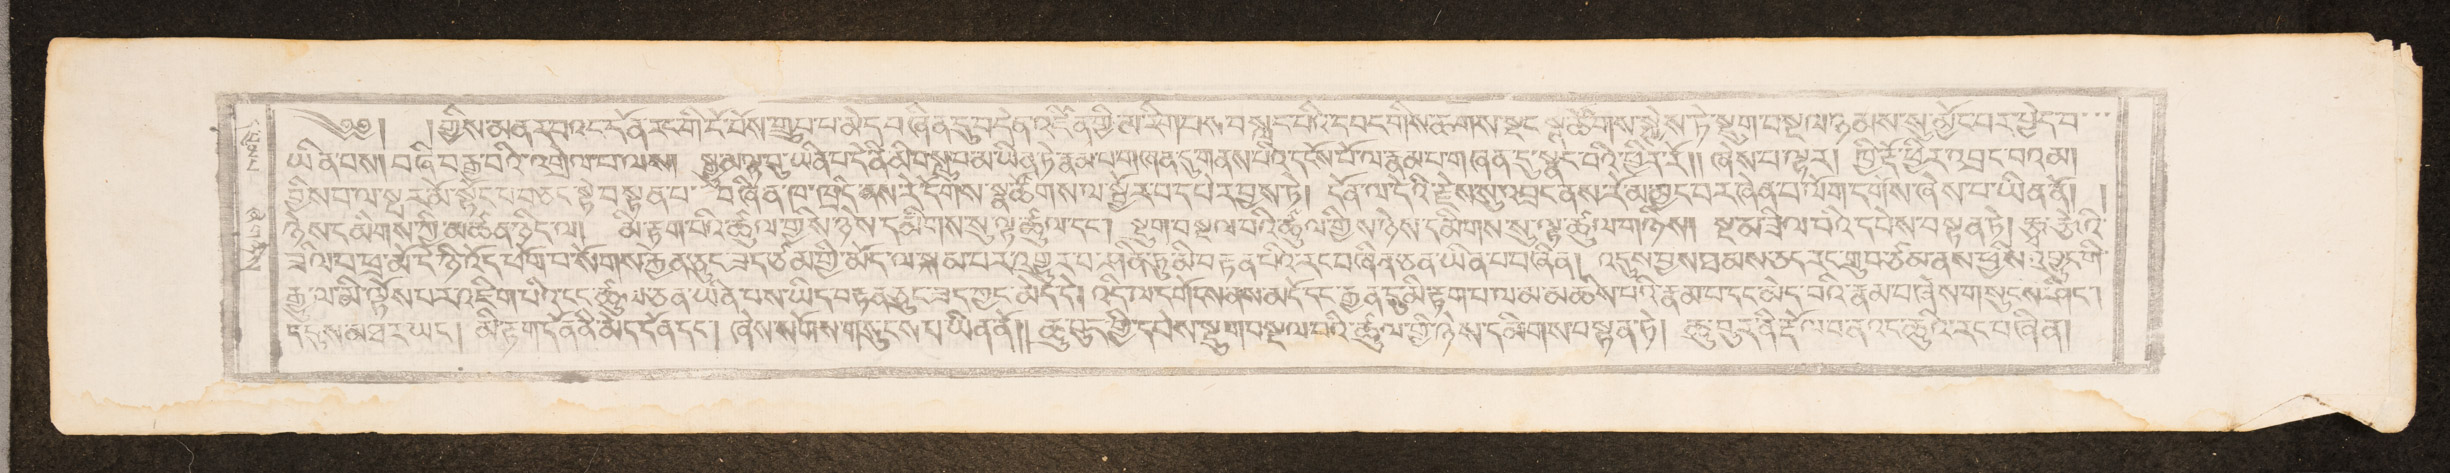༄༅། །གྱིས་མནར་བཱང་དོན་རང་གི་ངོ་བོས་གྲུབ་པ་མེད་བཞིན་དུ་བདེན་འཛིན་གྱི་མ་རིག་པས་བསླང་པའི་བདང་གིས་ཆགས་སྡང་སྣ་ཚོགས་སྐྱེས་ཏེ་སྡུག་བསྔལ་ཉམས་སུ་མྱོང་བར་བྱེད་པ་
ཡིན་པས། བཞི་བརྒྱ་བའི་འགྲེལ་པ་ལས། སྒྱུ་མ་ལྟ་བུ་ཡིན་པ་དེ་ནི་མི་བསླུ་བ་མ་ཡིན་ཏེ་རྣམ་པ་གཞན་དུ་གནས་པའི་དངོས་པོ་ལ་རྣམ་པ་གཞན་དུ་སྣང་བའི་ཕྱིར་རོ།། ཞེས་པ་ལྟར། ཁྱི་རྡོ་ཕྱིར་འབྲང་བའམ།
བྱིས་པ་ལ་སྦར་མོ་སྟོང་པ་བཅང་སྟེ་བསྟན་པ་བཞིན་ཁ་ཁྲིད་ནས་རེ་དོགས་སྣ་ཚོགས་ལ་སྦྱོར་བ་དཔེར་བྱས་ཏེ། དོན་ལ་དེའི་རྗེས་སུ་འབྲང་ནས་རོ་མ་མྱང་བར་ཞེན་པ་ལོག་དགོས་ཞེས་པ་ཡིན་ནོ། །
ཉེས་དམིགས་ཀྱི་མཚན་ཉིད་ལ། མི་རྟག་པའི་ཚུལ་གྱིས་ཉེས་དམིགས་སུ་ལྟ་ཚུལ་དང་། སྡུག་བསྔལ་བའི་ཚུལ་གྱིས་ཉེས་དམིགས་སུ་ལྟ་ཚུལ་གཉིས། སྔ་མ་ཟིལ་བའི་དཔེས་བསྟན་ཏེ། རྩྭ་རྩེའི་
ཟིལ་བ་ཕྲ་མོ་དེ་ཉི་འདོ་ཕོག་པ་སོགས་རྐྱང་ཅུང་ཟད་ཙམ་གྱི་མོད་ལ་སྐམ་པར་འགྱུར་བ་ཤིན་ཏུ་མི་བརྟན་པའི་རང་བཞིན་ཅན་ཡིན་པ་བཞིན། འདུས་བྱས་ཐམས་ཅད་རང་གྲུབ་ཙམ་ནས་ཕྱིས་འབྱུང་གི་
རྒྱུ་ལ་མི་ལྟོས་པར་འཇིག་པའི་ངང་ཚུལ་ཅན་ཡིན་པས་ཡིད་བརྟན་ཅུང་ཟད་ཀྱང་མེད་དེ། འདི་ལ་དགོངས་ནས་མདོ་དང་རྒྱན་དུ་མི་རྟག་པ་ལ་མ་མཆིས་པའི་རྣམ་པ་དང་མེད་པའི་རྣམ་པ་ཞེས་གསུངས་ཤིང་།
དངུས་མཐར་ཡང་། མི་རྟག་དོན་ནི་མེད་དོན་དང་། ཞེས་སོགས་གསུངས་པ་ཡིན་ནོ།། ཆུ་བུར་གྱི་དཔེས་སྡུག་བསྔལ་བའི་ཚུལ་གྱི་ཉེས་དམིགས་བསྟན་ཏེ། ཆུ་བུར་ནི་རྡོལ་བ་ནཱང་ཆུའི་རང་བཞིན།